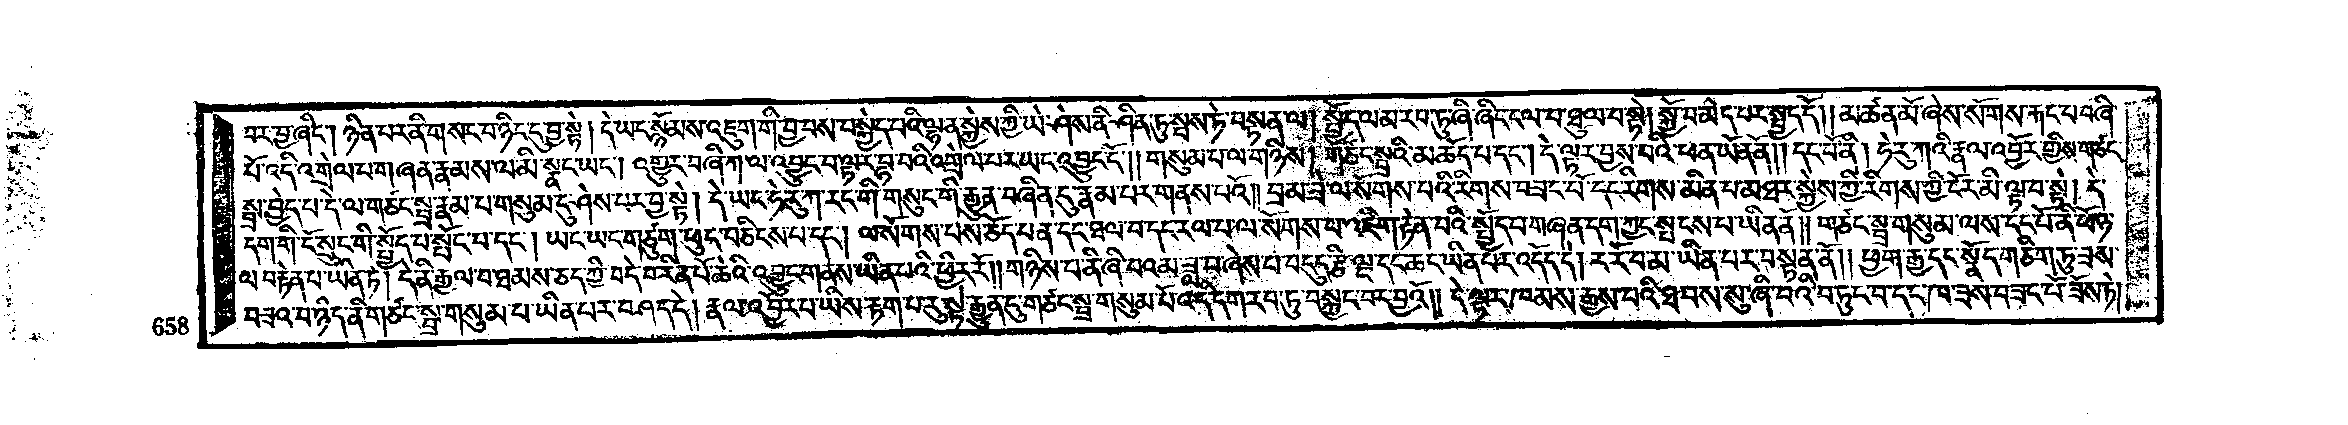བར་བྱ་ཞིང་། ཉིན་པར་ནི་གསང་བ་ཉིད་དུ་བྱ་སྟེ། དེ་ཡང་སྙོམས་འཇུག་གི་བྱ་བས་བསྐྱེད་པའི་ལྷན་སྐྱེས་ཀྱི་ཡེ་ཤེས་ནི་ཤིན་ཏུ་སྦས་ཏེ་བསྟན་ལ། སྤྱོད་ལམ་རབ་ཏུ་ཞི་ཞིང་ངལ་བ་ཐུལ་བ་སྟེ། སྐྱོ་བ་མེད་པར་སྤྱད་དོ། །མཚན་མོ་ཞེས་སོགས་རྐང་པ་བཞི་
པོ་འདི་འགྲེལ་པ་གཞན་རྣམས་ལ་མི་སྣང་ཡང་། འགྱུར་བཞི་ཀ་ལ་འབྱུང་བ་ལྟར་བྷ་བའི་འགྲེལ་པར་ཡང་འབྱུང་ངོ། །གསུམ་པ་ལ་གཉིས། གཙང་སྦྲའི་མཆོད་པ་དང་། དེ་ལྟར་བྱས་པའི་ཕན་ཡོན་ནོ། །དང་པོ་ནི། ཧེ་རུ་ཀའི་རྣལ་འབྱོར་གྱིས་གཙང་
སྦྲ་བྱེད་པ་དེ་ལ་གཙང་སྦྲ་རྣམ་པ་གསུམ་དུ་ཤེས་པར་བྱ་སྟེ། དེ་ཡང་ཧེ་རུ་ཀ་རང་གི་གསུང་གི་རྒྱུན་བཞིན་དུ་རྣམ་པར་གནས་པའོ། །བྲམ་ཟེ་ལ་སོགས་པའི་རིགས་བཟང་པོ་དང་རིགས་མིན་པ་མཐར་སྐྱེས་ཀྱི་རིགས་ཀྱི་ངོར་མི་ལྟ་བ་སྟེ། དེ་
དག་གི་ངོ་སྲུང་གི་སྤྱོད་པ་སྤོང་བ་དང་། ཡང་ཡང་གཙུག་ཕུད་བཅིངས་པ་དང་། ལ་སོགས་པས་དོད་པན་དང་ཐལ་བ་དང་རལ་པ་ལ་སོགས་པ་འཇིག་རྟེན་པའི་སྤྱོད་པ་གཞན་དག་ཀྱང་སྤངས་པ་ཡིན་ནོ། །གཙང་སྦྲ་གསུམ་ལས་དང་པོ་ནི་ཕོ་ཉ་
ལ་བརྟེན་པ་ཡིན་ཏེ། དེ་ནི་རྒྱལ་བ་ཐམས་ཅད་ཀྱི་བདེ་བ་རིན་པོ་ཆེའི་འབྱུང་གནས་ཡིན་པའི་ཕྱིར་རོ། །གཉིས་པ་ནི་ཞི་བའམ་ཟླ་བ་ཞེས་པ་བདུད་རྩི་ལྔ་དང་ཆང་ཡིན་པར་འདོད་དེ། ར་རོ་བ་མ་ཡིན་པར་བསྟན་ནོ། །ཕྱག་རྒྱ་དང་སྣོད་གཅིག་ཏུ་ཟས་
བཟའ་བ་ཉིད་ནི་གཙང་སྦྲ་གསུམ་པ་ཡིན་པར་བཤད་དེ། རྣལ་འབྱོར་པ་ཡིས་རྟག་པ་རུ་སྟེ་རྒྱུན་དུ་གཙང་སྦྲ་གསུམ་པོ་འདི་དག་རབ་ཏུ་བསྐྱང་བར་བྱའོ། །དེ་ལྟར་ཁམས་རྒྱས་པའི་ཐབས་སུ་ཞི་བའི་བཏུང་བ་དང་ཁ་ཟས་བཟང་པོ་ཟོས་ཏེ།